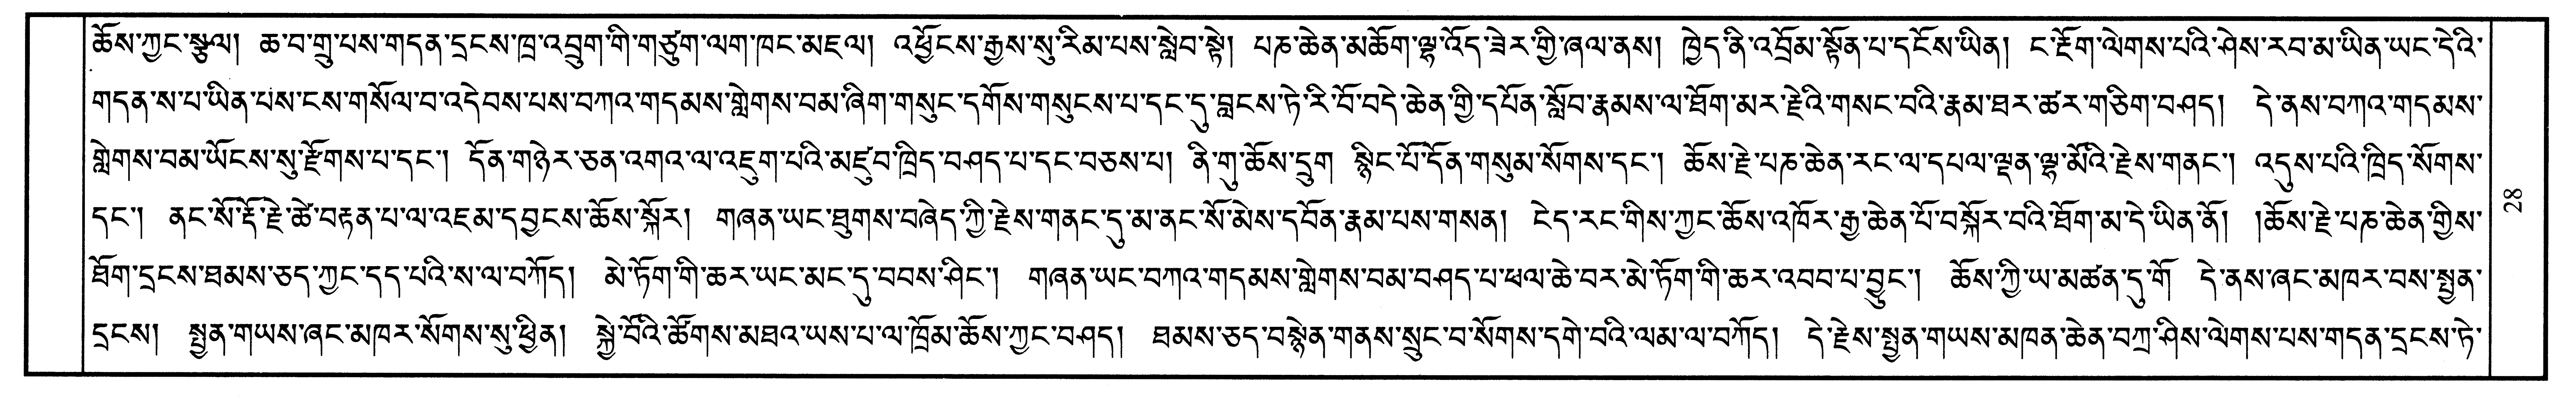ཆོས་ཀྱང་སྩལ། ཆ་བ་གྲུ་པས་གདན་དྲངས་ཁྲ་འབྲུག་གི་གཙུག་ལག་ཁང་མཇལ། འཕྱོངས་རྒྱས་སུ་རིམ་པས་སླེབ་སྟེ། པཎ་ཆེན་མཆོག་ལྷ་འོད་ཟེར་གྱི་ཞལ་ནས། ཁྱེད་ནི་འབྲོམ་སྟོན་པ་དངོས་ཡིན། ང་རྔོག་ལེགས་པའི་ཤེས་རབ་མ་ཡིན་ཡང་དེའི་
གདན་ས་པ་ཡིན་པས་ངས་གསོལ་བ་འདེབས་པས་བཀའ་གདམས་གླེགས་བམ་ཞིག་གསུང་དགོས་གསུངས་པ་དང་དུ་བླངས་ཏེ་རི་བོ་བདེ་ཆེན་གྱི་དཔོན་སློབ་རྣམས་ལ་ཐོག་མར་རྗེའི་གསང་བའི་རྣམ་ཐར་ཚར་གཅིག་བཤད། དེ་ནས་བཀའ་གདམས་
གླེགས་བམ་ཡོངས་སུ་རྫོགས་པ་དང་། དོན་གཉེར་ཅན་འགའ་ལ་འཇུག་པའི་མཛུབ་ཁྲིད་བཤད་པ་དང་བཅས་པ། ནི་གུ་ཆོས་དྲུག །སྙིང་པོ་དོན་གསུམ་སོགས་དང་། ཆོས་རྗེ་པཎ་ཆེན་རང་ལ་དཔལ་ལྡན་ལྷ་མོའི་རྗེས་གནང་། འདུས་པའི་ཁྲིད་སོགས་
དང་། ནང་སོ་རྡོ་རྗེ་ཚེ་བརྟན་པ་ལ་འཇམ་དབྱངས་ཆོས་སྐོར། གཞན་ཡང་ཐུགས་བཞེད་ཀྱི་རྗེས་གནང་དུ་མ་ནང་སོ་མེས་དབོན་རྣམ་པས་གསན། ངེད་རང་གིས་ཀྱང་ཆོས་འཁོར་རྒྱ་ཆེན་པོ་བསྐོར་བའི་ཐོག་མ་དེ་ཡིན་ནོ། །ཆོས་རྗེ་པཎ་ཆེན་གྱིས་
ཐོག་དྲངས་ཐམས་ཅད་ཀྱང་དད་པའི་ས་ལ་བཀོད། མེ་ཏོག་གི་ཆར་ཡང་མང་དུ་བབས་ཤིང་། གཞན་ཡང་བཀའ་གདམས་གླེགས་བམ་བཤད་པ་ཕལ་ཆེ་བར་མེ་ཏོག་གི་ཆར་འབབ་པ་བྱུང་། ཆོས་ཀྱི་ཡ་མཚན་དུ་གོ །དེ་ནས་ཞང་མཁར་བས་སྤྱན་
དྲངས། སྤྱན་གཡས་ཞང་མཁར་སོགས་སུ་ཕྱིན། སྐྱེ་བོའི་ཚོགས་མཐའ་ཡས་པ་ལ་ཁྲོམ་ཆོས་ཀྱང་བཤད། ཐམས་ཅད་བསྙེན་གནས་སྲུང་བ་སོགས་དགེ་བའི་ལམ་ལ་བཀོད། དེ་རྗེས་སྤྱན་གཡས་མཁན་ཆེན་བཀྲ་ཤིས་ལེགས་པས་གདན་དྲངས་ཏེ་